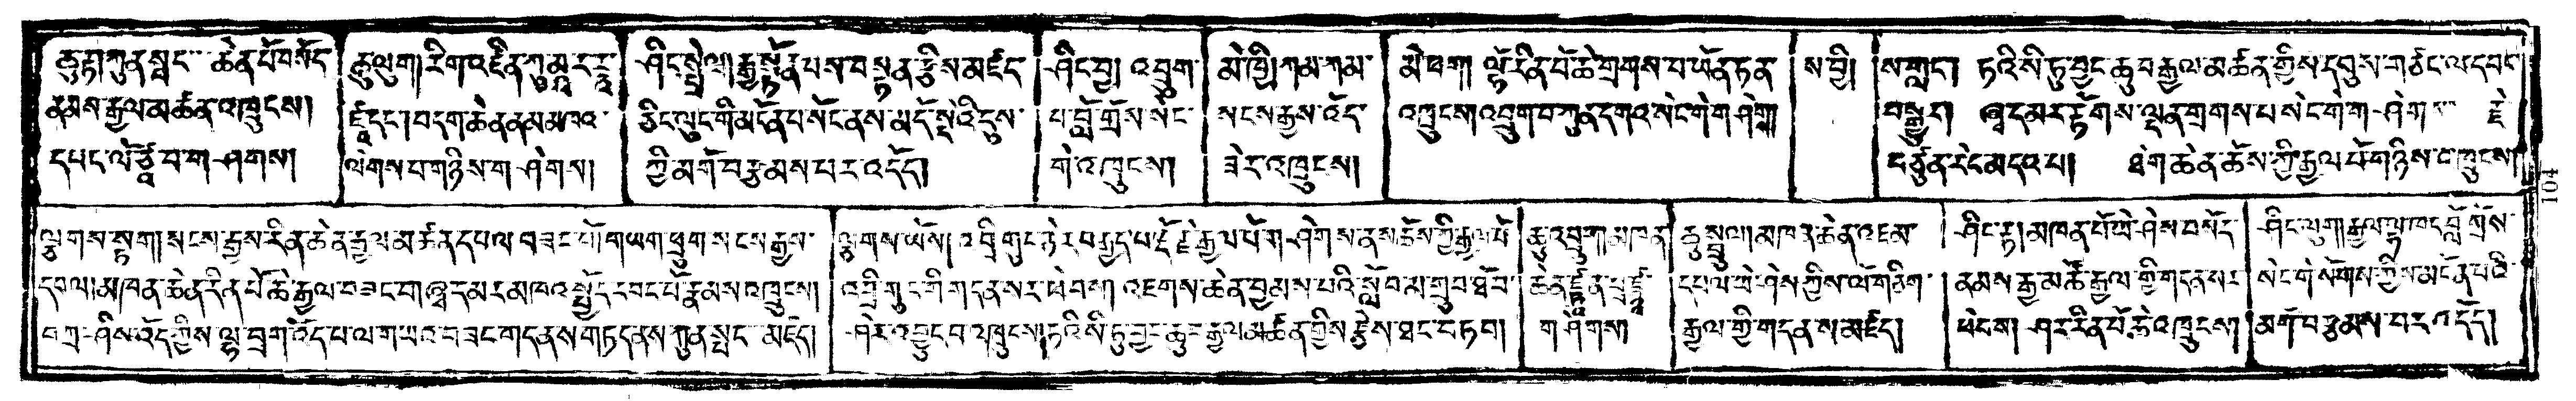ཆུ་རྟ། ཀུན་སྤང་ཆེན་པོ་བསོང་ཆུ་ལུག། རིག་འཛིན་ཀུ་མཱ་ར་རཱ་ཤིང་སྤྲེལ། རྒྱ་སྟོན་པས་བསྟན་རྩིས་མཛད། ཤིང་བྱ། འབྲུག་མེ་ཁྱི། ཀམ་ཀམ་མེ་ཕག། ལྷོ་རིན་པོ་ཆེ་གྲགས་པ་ཡོན་ཏན་ས་བྱི། ས་གླང་། ཏའི་སི་ཏུ་བྱང་ཆུབ་རྒྱལ་མཚན་གྱིས་དབུས་གཙང་ལ་དབང་
ནམས་རྒྱལ་མཚན་འཁྲུངས། ཛཱ་དང་། བདག་ཆེན་ནམ་མཁའ་ཅིང་ལུང་གི་མངོན་པ་སོང་ནས་མདོ་སྡེའི་དུས་པ་བློ་གྲོས་སེང་སངས་རྒྱས་འོད་འྐུངས། འབྲུག་བ་ཀུན་དགའ་སེང་གེ་གཤེགས་བསྒྱུར། ཞྭ་དམར་རྟོགས་ལྡན་གྲགས་པ་སེང་གེ་གཤེག་??་རྗེ་
དཔང་ལོ་ཙཱ་བ་གཤགས། ལེགས་པ་གཉིས་གཤེགས་ཀྱི་མགོ་བརྩམས་པར་འདོད། གེ་འཁྲུངས། ཟེར་འཁྲུངས། བཙུན་རེང་མདའ་པ། ཐེག་ཆེན་ཆོས་ཀྱི་རྒྱལ་པོ་གཉིས་འཁྲུངས།
ལྕགས་སྟག། སངས་རྒྱས་རིན་ཆེན་རྒྱལ་མཚན་དཔལ་བཟང་པོ། གཡག་ཕྲུག་སངས་རྒྱས་ལྕགས་ཡོས། འབྲི་གུང་ཉེར་བརྒྱད་པ་རྡོ་རྗེ་རྒྱལ་པོ་གཤེགས་ནས་ཆོས་ཀྱི་རྒྱལ་པོ་ཆུ་འབྲུག་མཁན་ཆུ་སྤྲུལ། མཁན་ཆེན་འཇམ་ཤིང་རྟ། མཁན་པོ་ཡེ་ཤེས་བསོད་ཤིང་ལུག། རྒྱལ་ལུག། རྒྱལ་ལྷ་ཁང་བློ་གྲོས་
དཔལ། མཁན་ཆེན་རིན་པོ་ཆེ་རྒྱལ་བཟང་བ། ཞྭ་དམར་མཁའ་སྤྱོད་དབང་པོ་རྣམས་འཁྲུངས། འབྲི་གུང་གི་གདན་སར་ཕེབས། འཇགས་ཆེན་བྱམས་པའི་སློབ་མ་གྲུབ་ཐོབ་ཆེན་ཛྙཱ་ན་པྲ་ཛྙཱ། དཔལ་ཡེ་ཤེས་ཀྱིས་ལོ་གཅིག། ནམས་རྒྱ་མཚོ་རྒྱལ་གྱི་གདན་སར། སེང་གེ་སོགས་ཀྱིས་མངོན་པའི་
བཀྲ་ཤིས་འོད་ཀྱིས་ལྷ་བྲག་འོད་པ་ལ་གཡའ་བཟང་གདན་ས་གཏད་ནས་ཀུན་སྤང་མཇེད། ཤེར་འབྱུང་བ་འཁྲུངས། ཏའི་སི་ཏུ་བྱང་ཆུབ་རྒྱལ་མཚན་གྱིས་རྩེས་ཐང་བཏབ། གཤེགས། རྒྱལ་གྱི་གདན་ས་མཛད། ཕེབས། ཤར་རིན་པོ་ཆེ་འཁྲུངས། མགོ་བརྩམས་པར་འདོད།